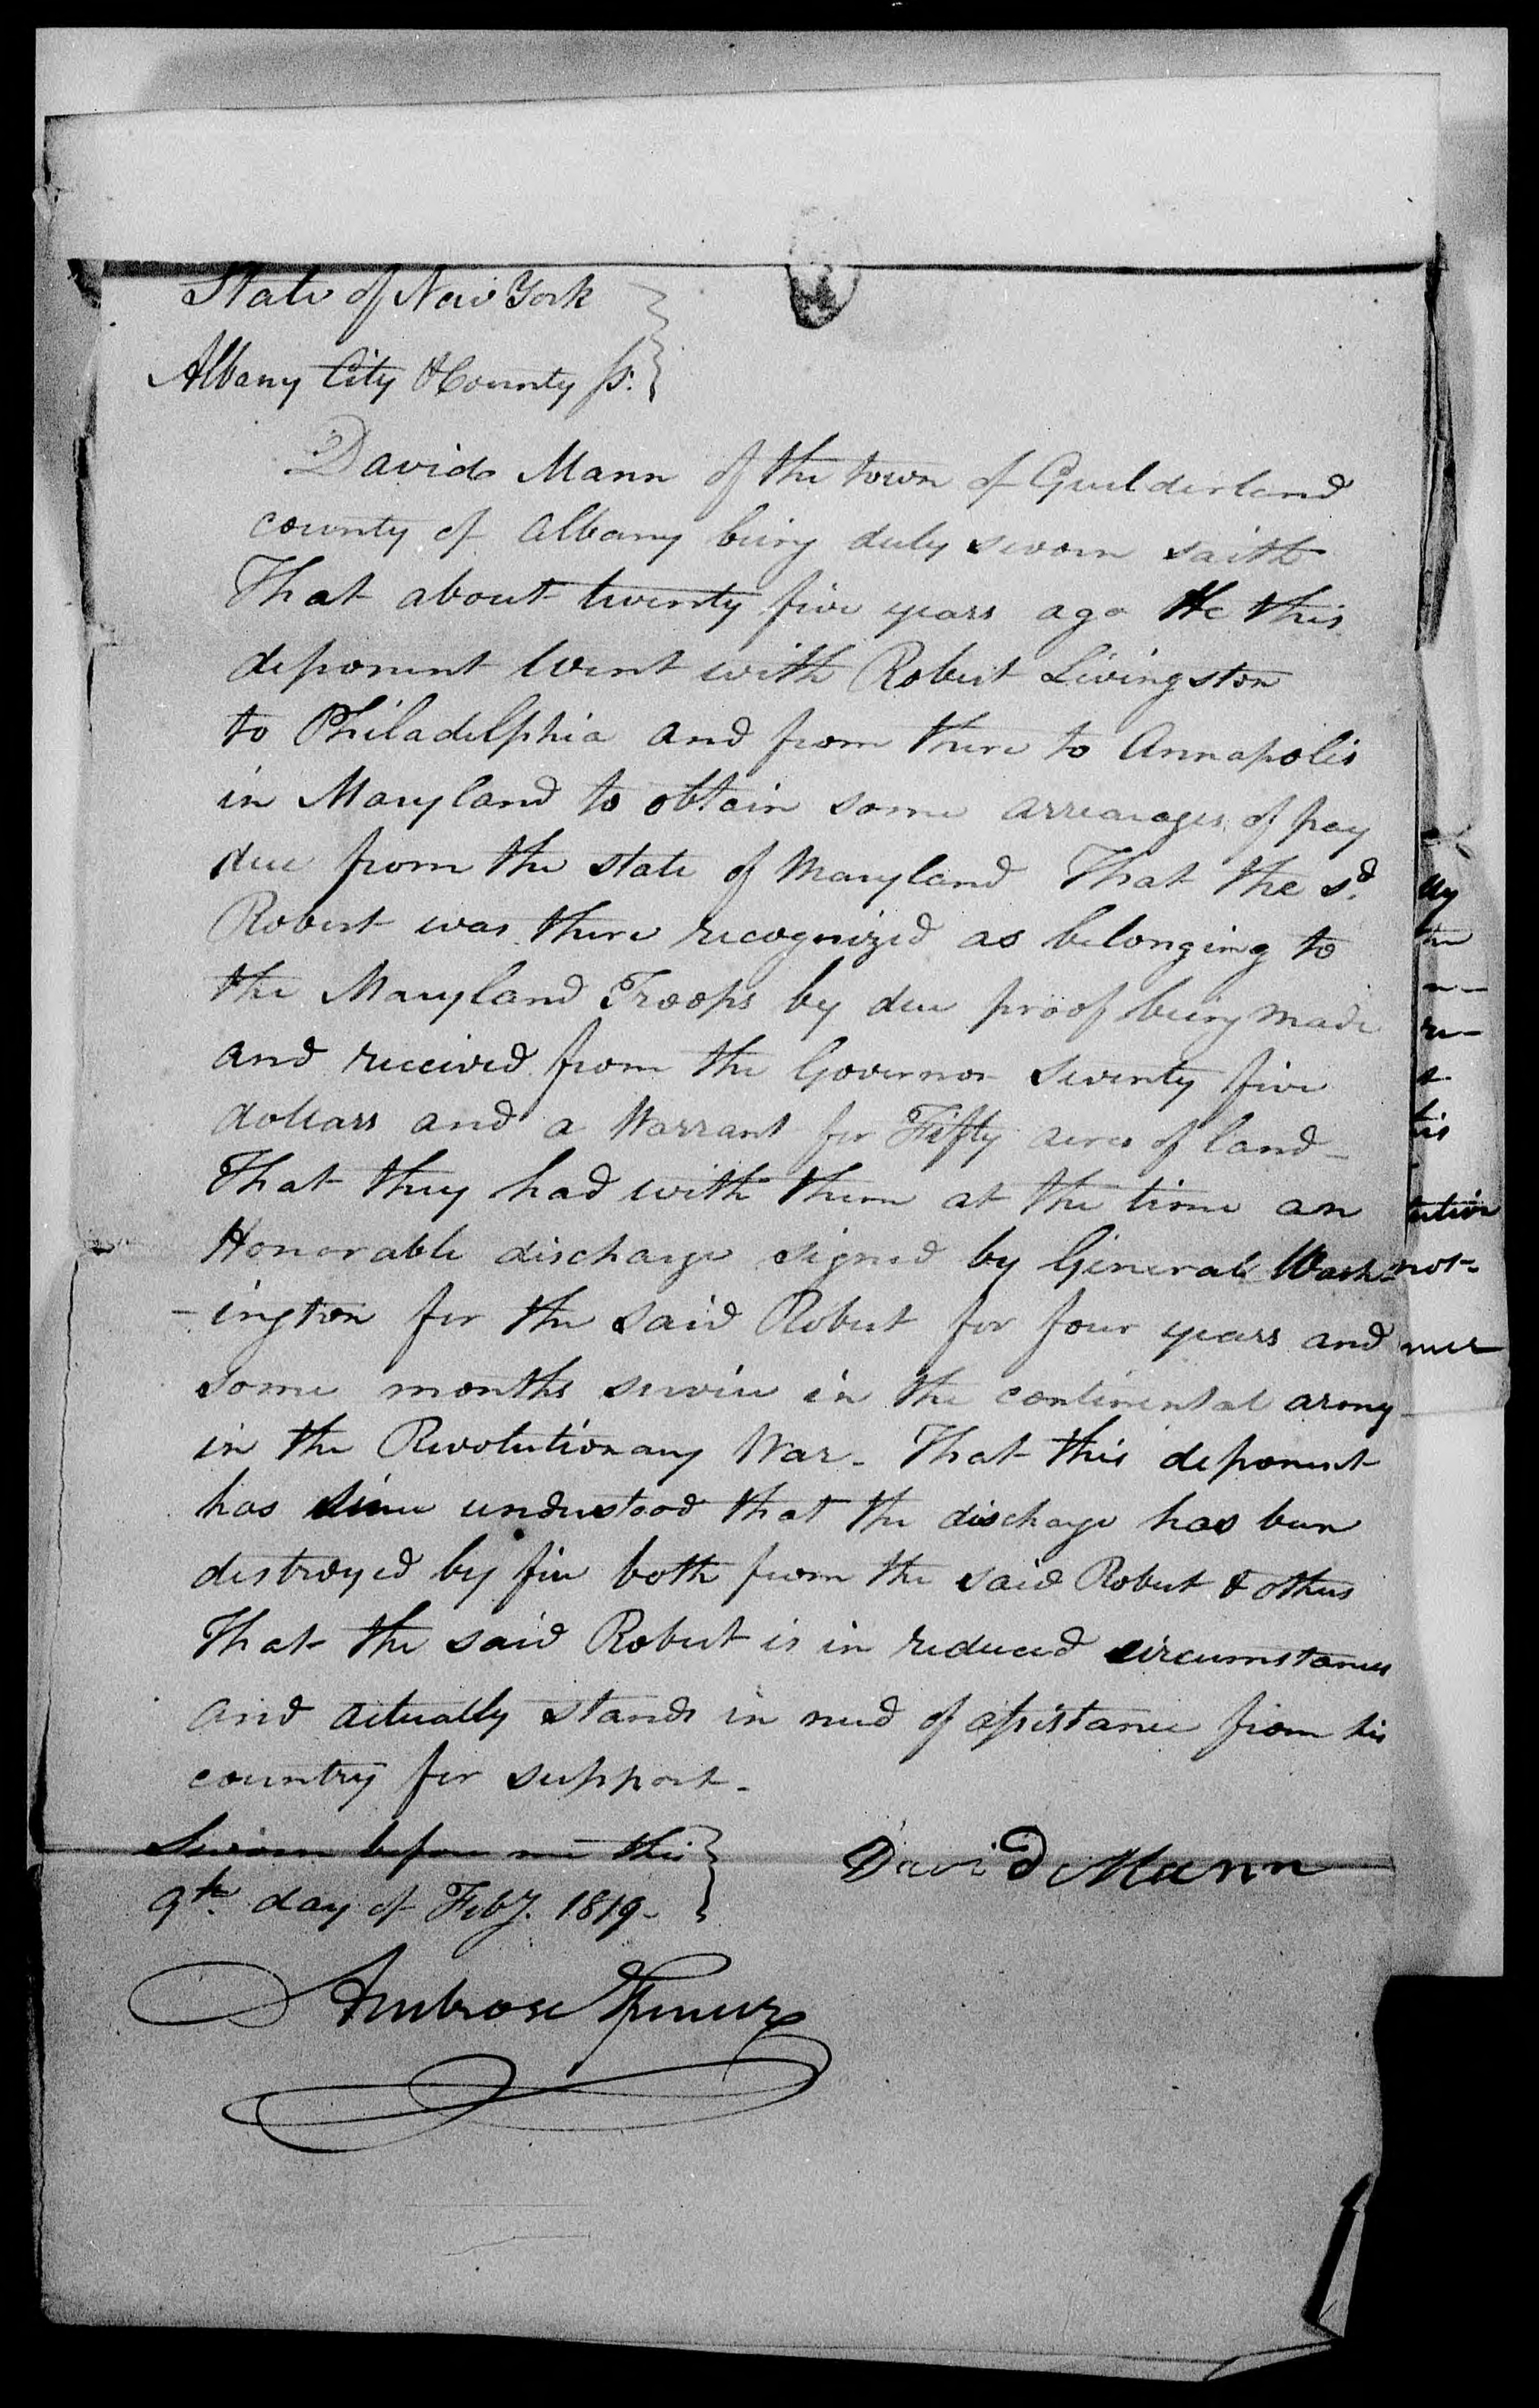State of New York }
Albany City & County ss. }
David Mann of the town of Guilderland County of Albany being duly sworn saith That about twenty five years ago He this deponent went with Robert Livingston to Philadelphia and from there to Annapolis in Maryland to obtain some arrearages of pay due from the State of Maryland That the sd Robert was there recognized as belonging to the Maryland Troops by due proof being made and received from the Governor Seventy five dollars and a Warrant for Fifty acres of land. That they had with them at the time an Honorable discharge signed by General Washington for the said Robert for four years and some months service in the continental army in the Revolutionary War. That this deponent has since understood that the discharge has been destroyed by fire both from the said Robert & others That the said Robert is in reduced circumstances and actually stands in need of assistance from his country for support 
David Mann 
Sworn before me this }
9th day of Feby 1819. } 
Ambrose Spencer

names: Robert Livingston; Ambrose Spencer; [BLANK] Washington; David Mann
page: 18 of 23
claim: survivor's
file: S 42874, for Robert Livingston, Maryland